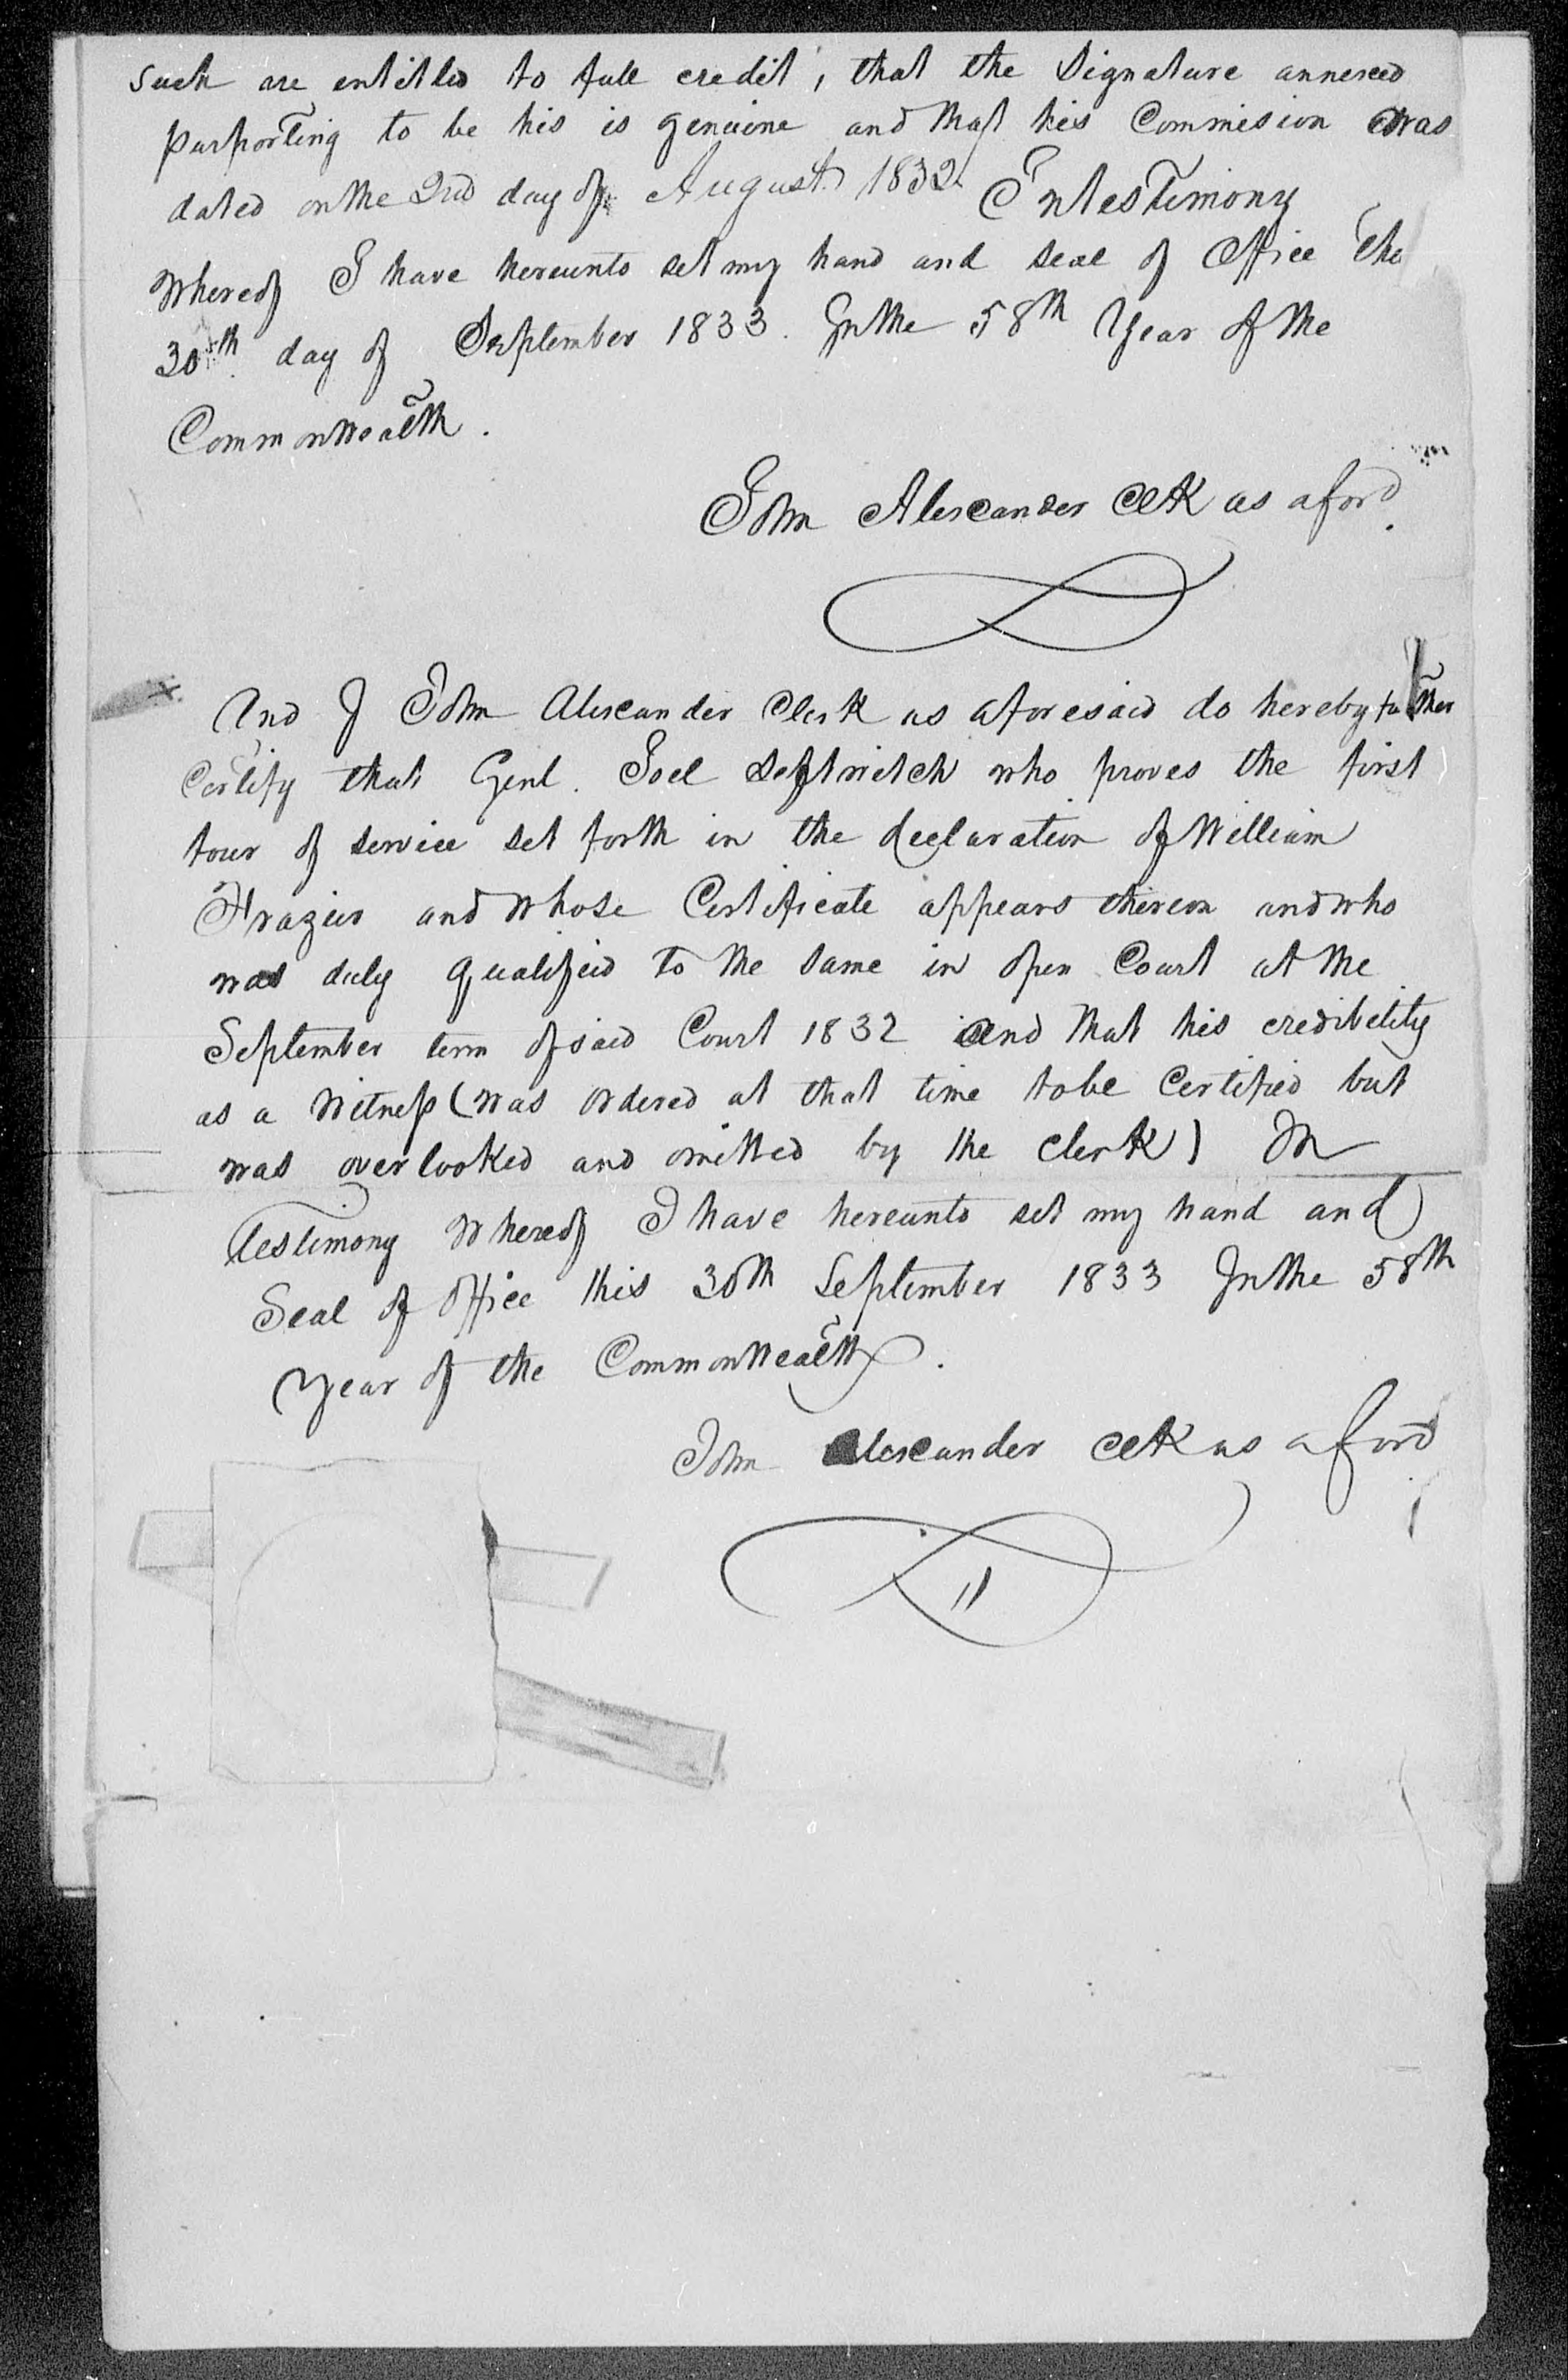such are entitled to full credit; that the signature annexed purporting to be his is genuine and that his commission was dated on the 2nd day of August 1832 In testimony whereof I have hereunto at my hand and seal of Office the 30th day of September 1833 on the 8th 58th year of Commonwealth. 

John Alexander Clk as aford. 

And I John Alexander Clerk as aforesaid do hereby to author certify that Genl. Joel Leftwich who proves the first tour of service set forth in the declaration of William Frazier and whose certificate appears thereon and who was duly qualified to the same in open court at the September term of said Court 1832 and that his credibility as a witness (was ordered at that time to be certified but was overlooked and omitted by the Clerk) On testimony whereof I have hereunto set my hand and seal of office this 30th September 1833 In the 58th year of the Commonwealth 
John Alexander Clk as aford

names: William Frazier, Joel Leftwitch, John Alexander, Intes Timony, John Alexander, John Alexander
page: 13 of 13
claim: survivor's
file: S. 17966, William Frazier, Va.